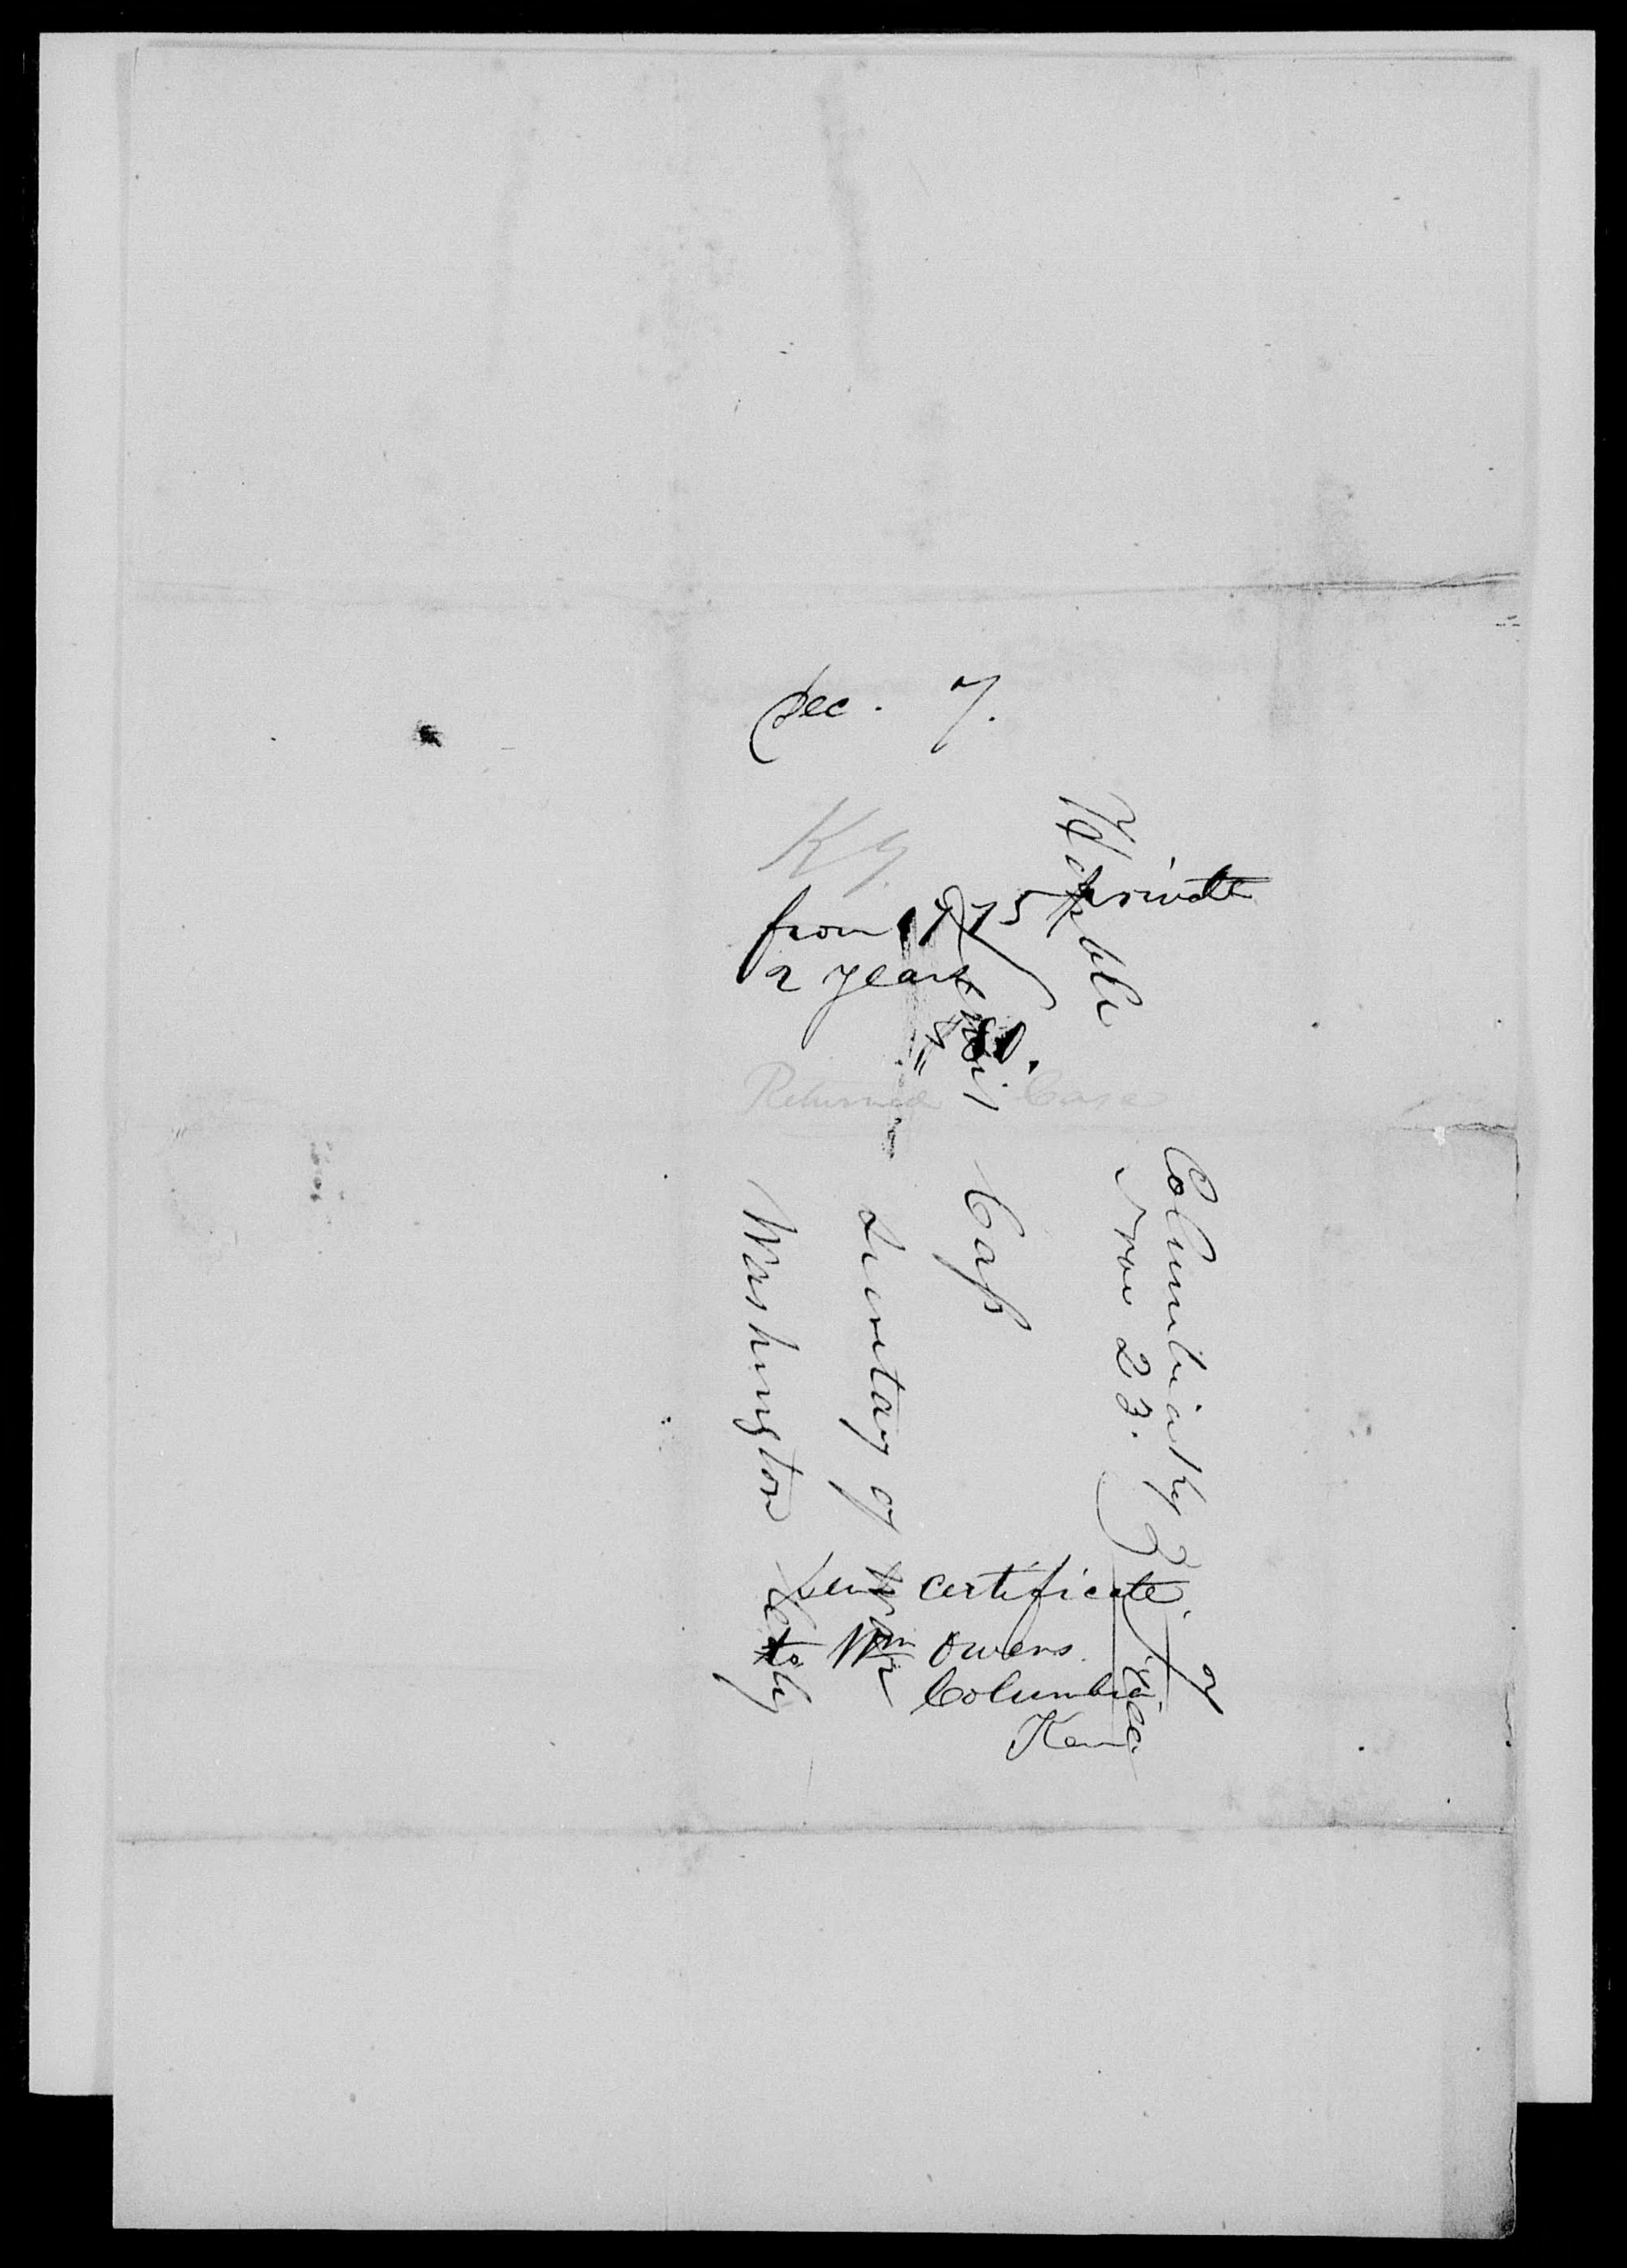[Horizontal text]:
Dec. 7  KY
from 1775 private
2 years  $80
sent certificate to Wm Owens
Columbia, Ken.

[Vertical text crossed over horizontal]:
Columbia Ky
Nov 23. 
Honorable Lewis Cass
Secretary of War
Washington City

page: 12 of 28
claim: survivor's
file: S. 16,470, for William Mc Kinney, Georgia